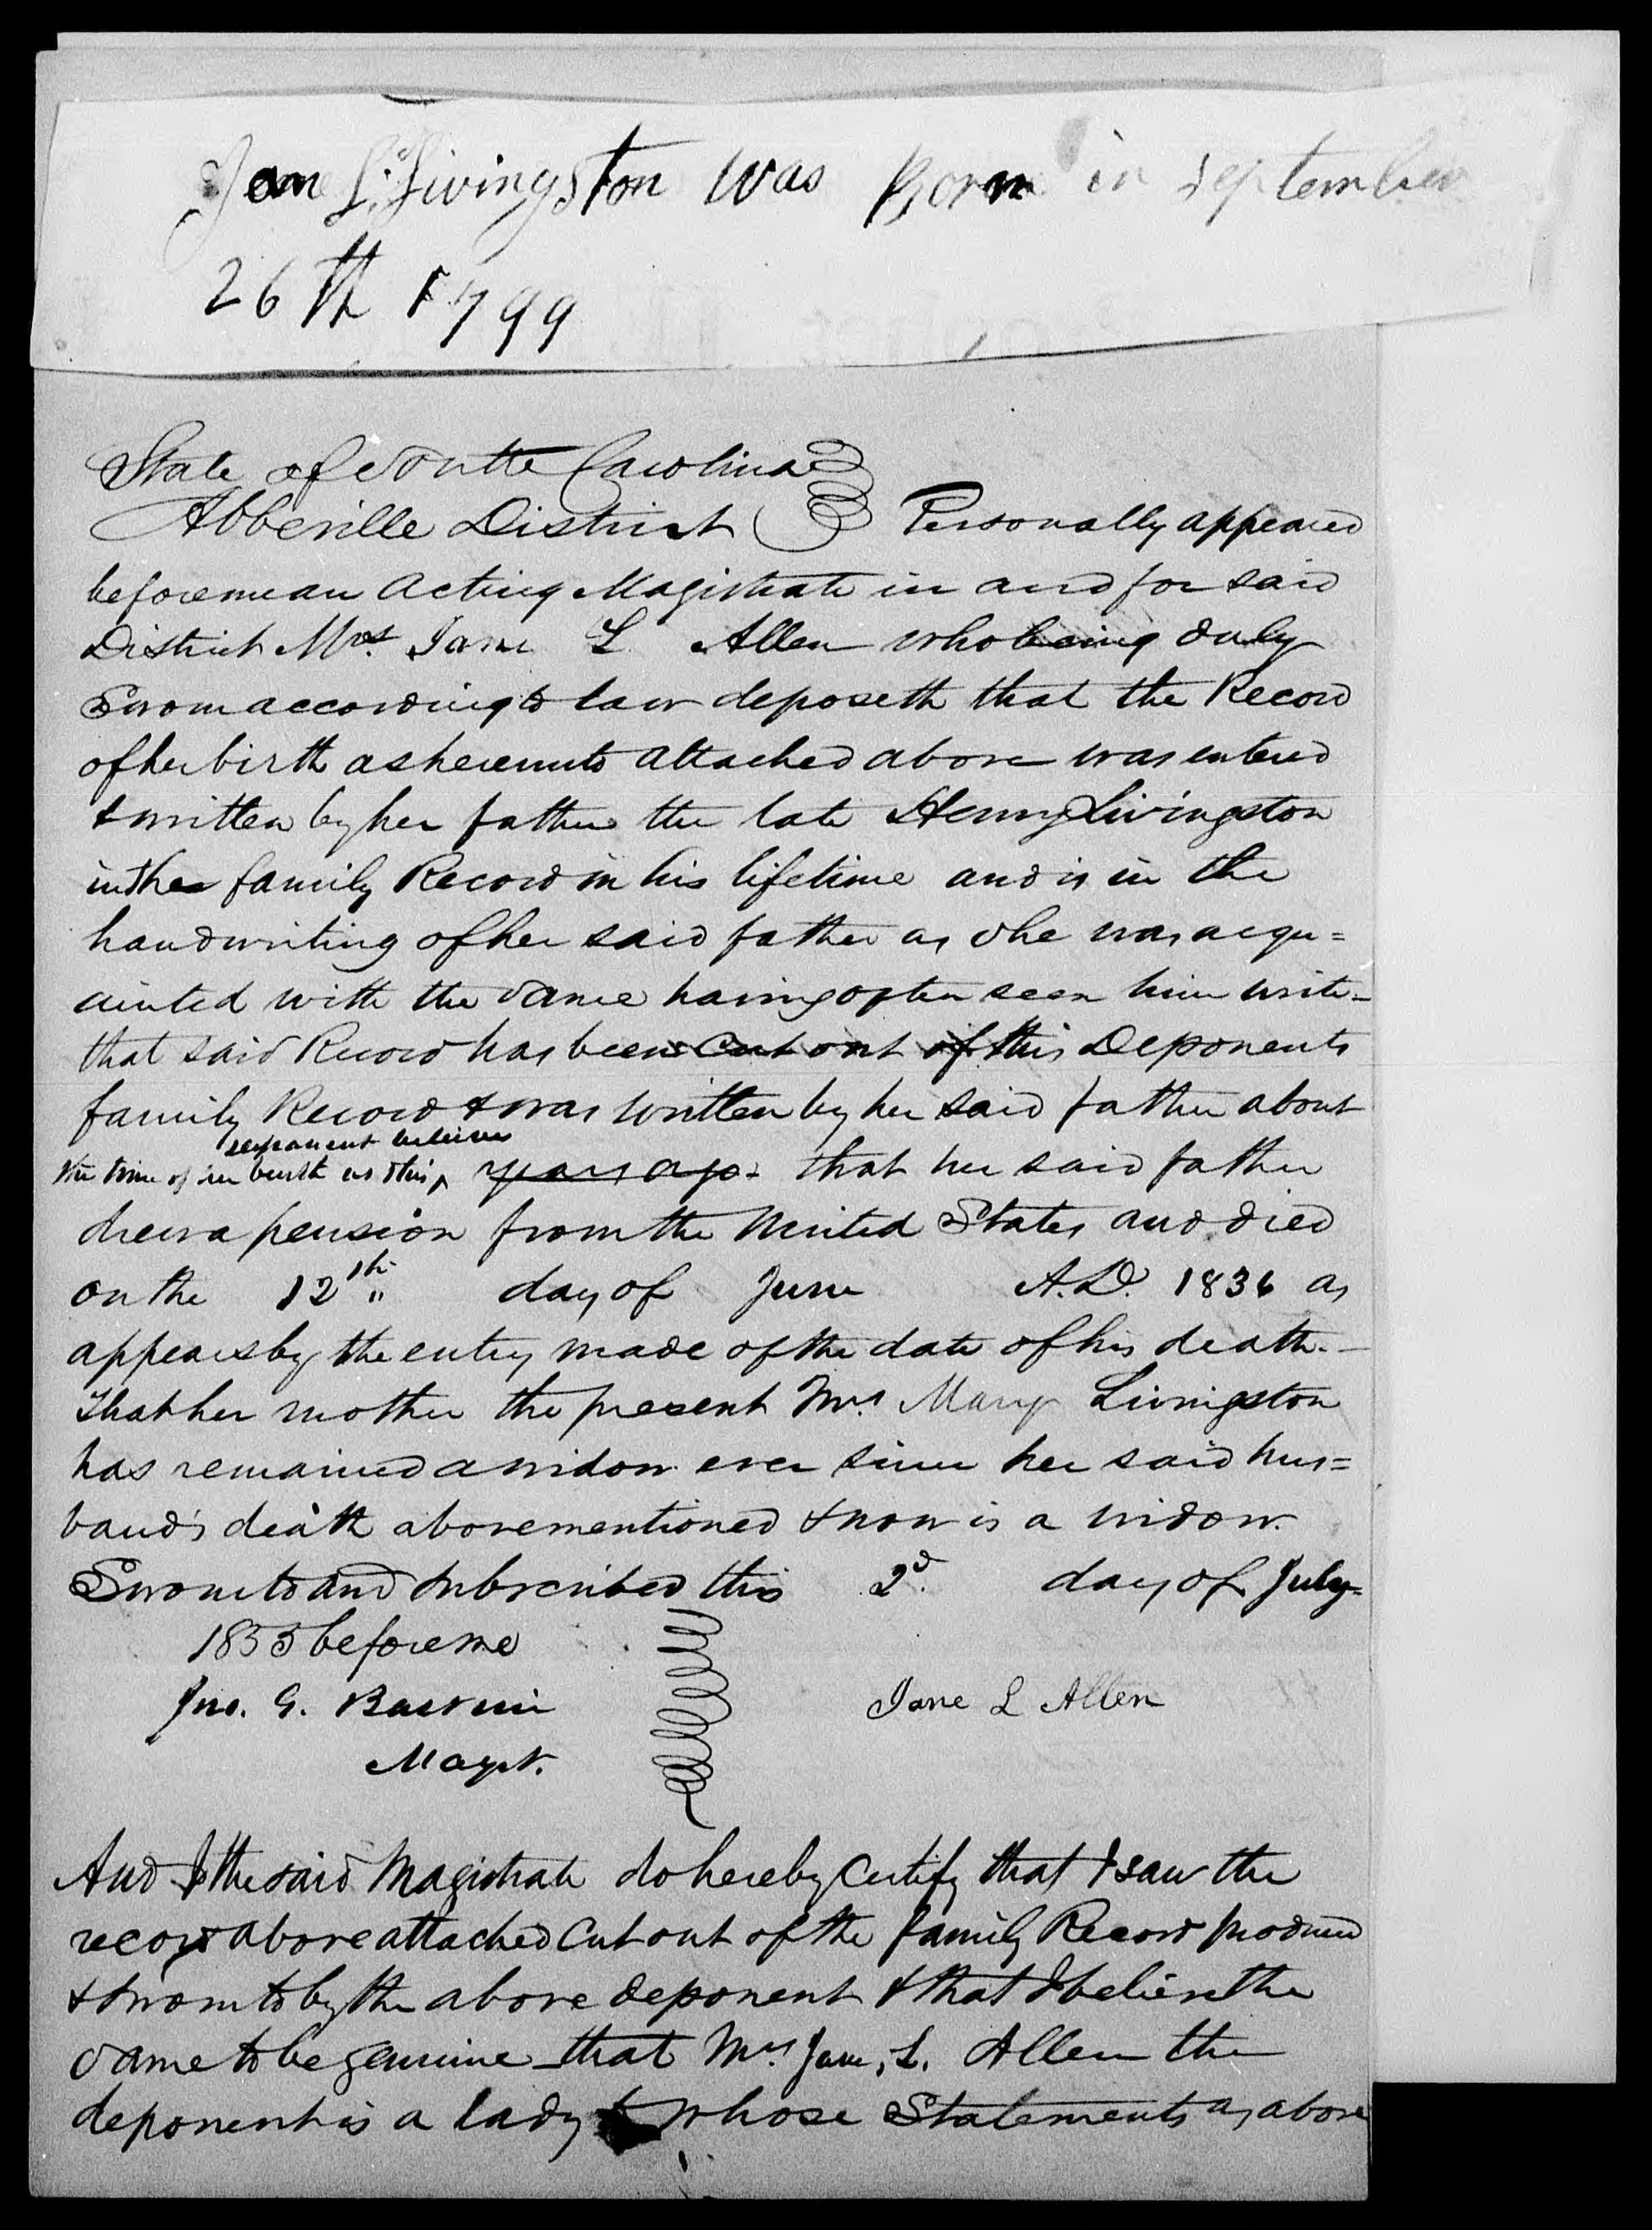Jane L. Livingston was born in September 26th 1799

State of South Carolina
Abbeville District }

Personally appeared before me an acting Magistrate in and for said District Mrs. Jane L Allen who being duly Sworn according to law deposeth that the Record of her birth as hereunto attached above was entered written by her father the late Henry Livingston in the family Record in his lifetime and is in the handwriting of her said father as he was acquainted with the same having often seen him write that said Record has been cut out of this Deponents family Record & was written by her said father about the time of her birth as this deponent believes, that her said father drew pension from the United States and died the on the 12th day of June A.D. 1836 as appears by the entry made of the date of his death. That her mother the present Mrs Mary Livingston has remained a widow ever since her said husband's death above mentioned & now is a Widow.

Sworn to and subscribed this 2d day of July 1855 before me
Jno. G. Baskin
Magt. }

Jane L Allen

And I the said Magistrate do hereby certify that I saw the record above attached cut out of the family Record produced & sworn to by the above deponent & that I believe the same to be genuine - that Mrs. Jane L. Allen the deponent is a lady whose statements as above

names: Henry Livingston; Mary Livingston; Jane L Allen; Jane L Livingston; Jno G Baskin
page: 10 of 63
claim: widow's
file: W. 8,049, for Henry Livingston, North Carolina